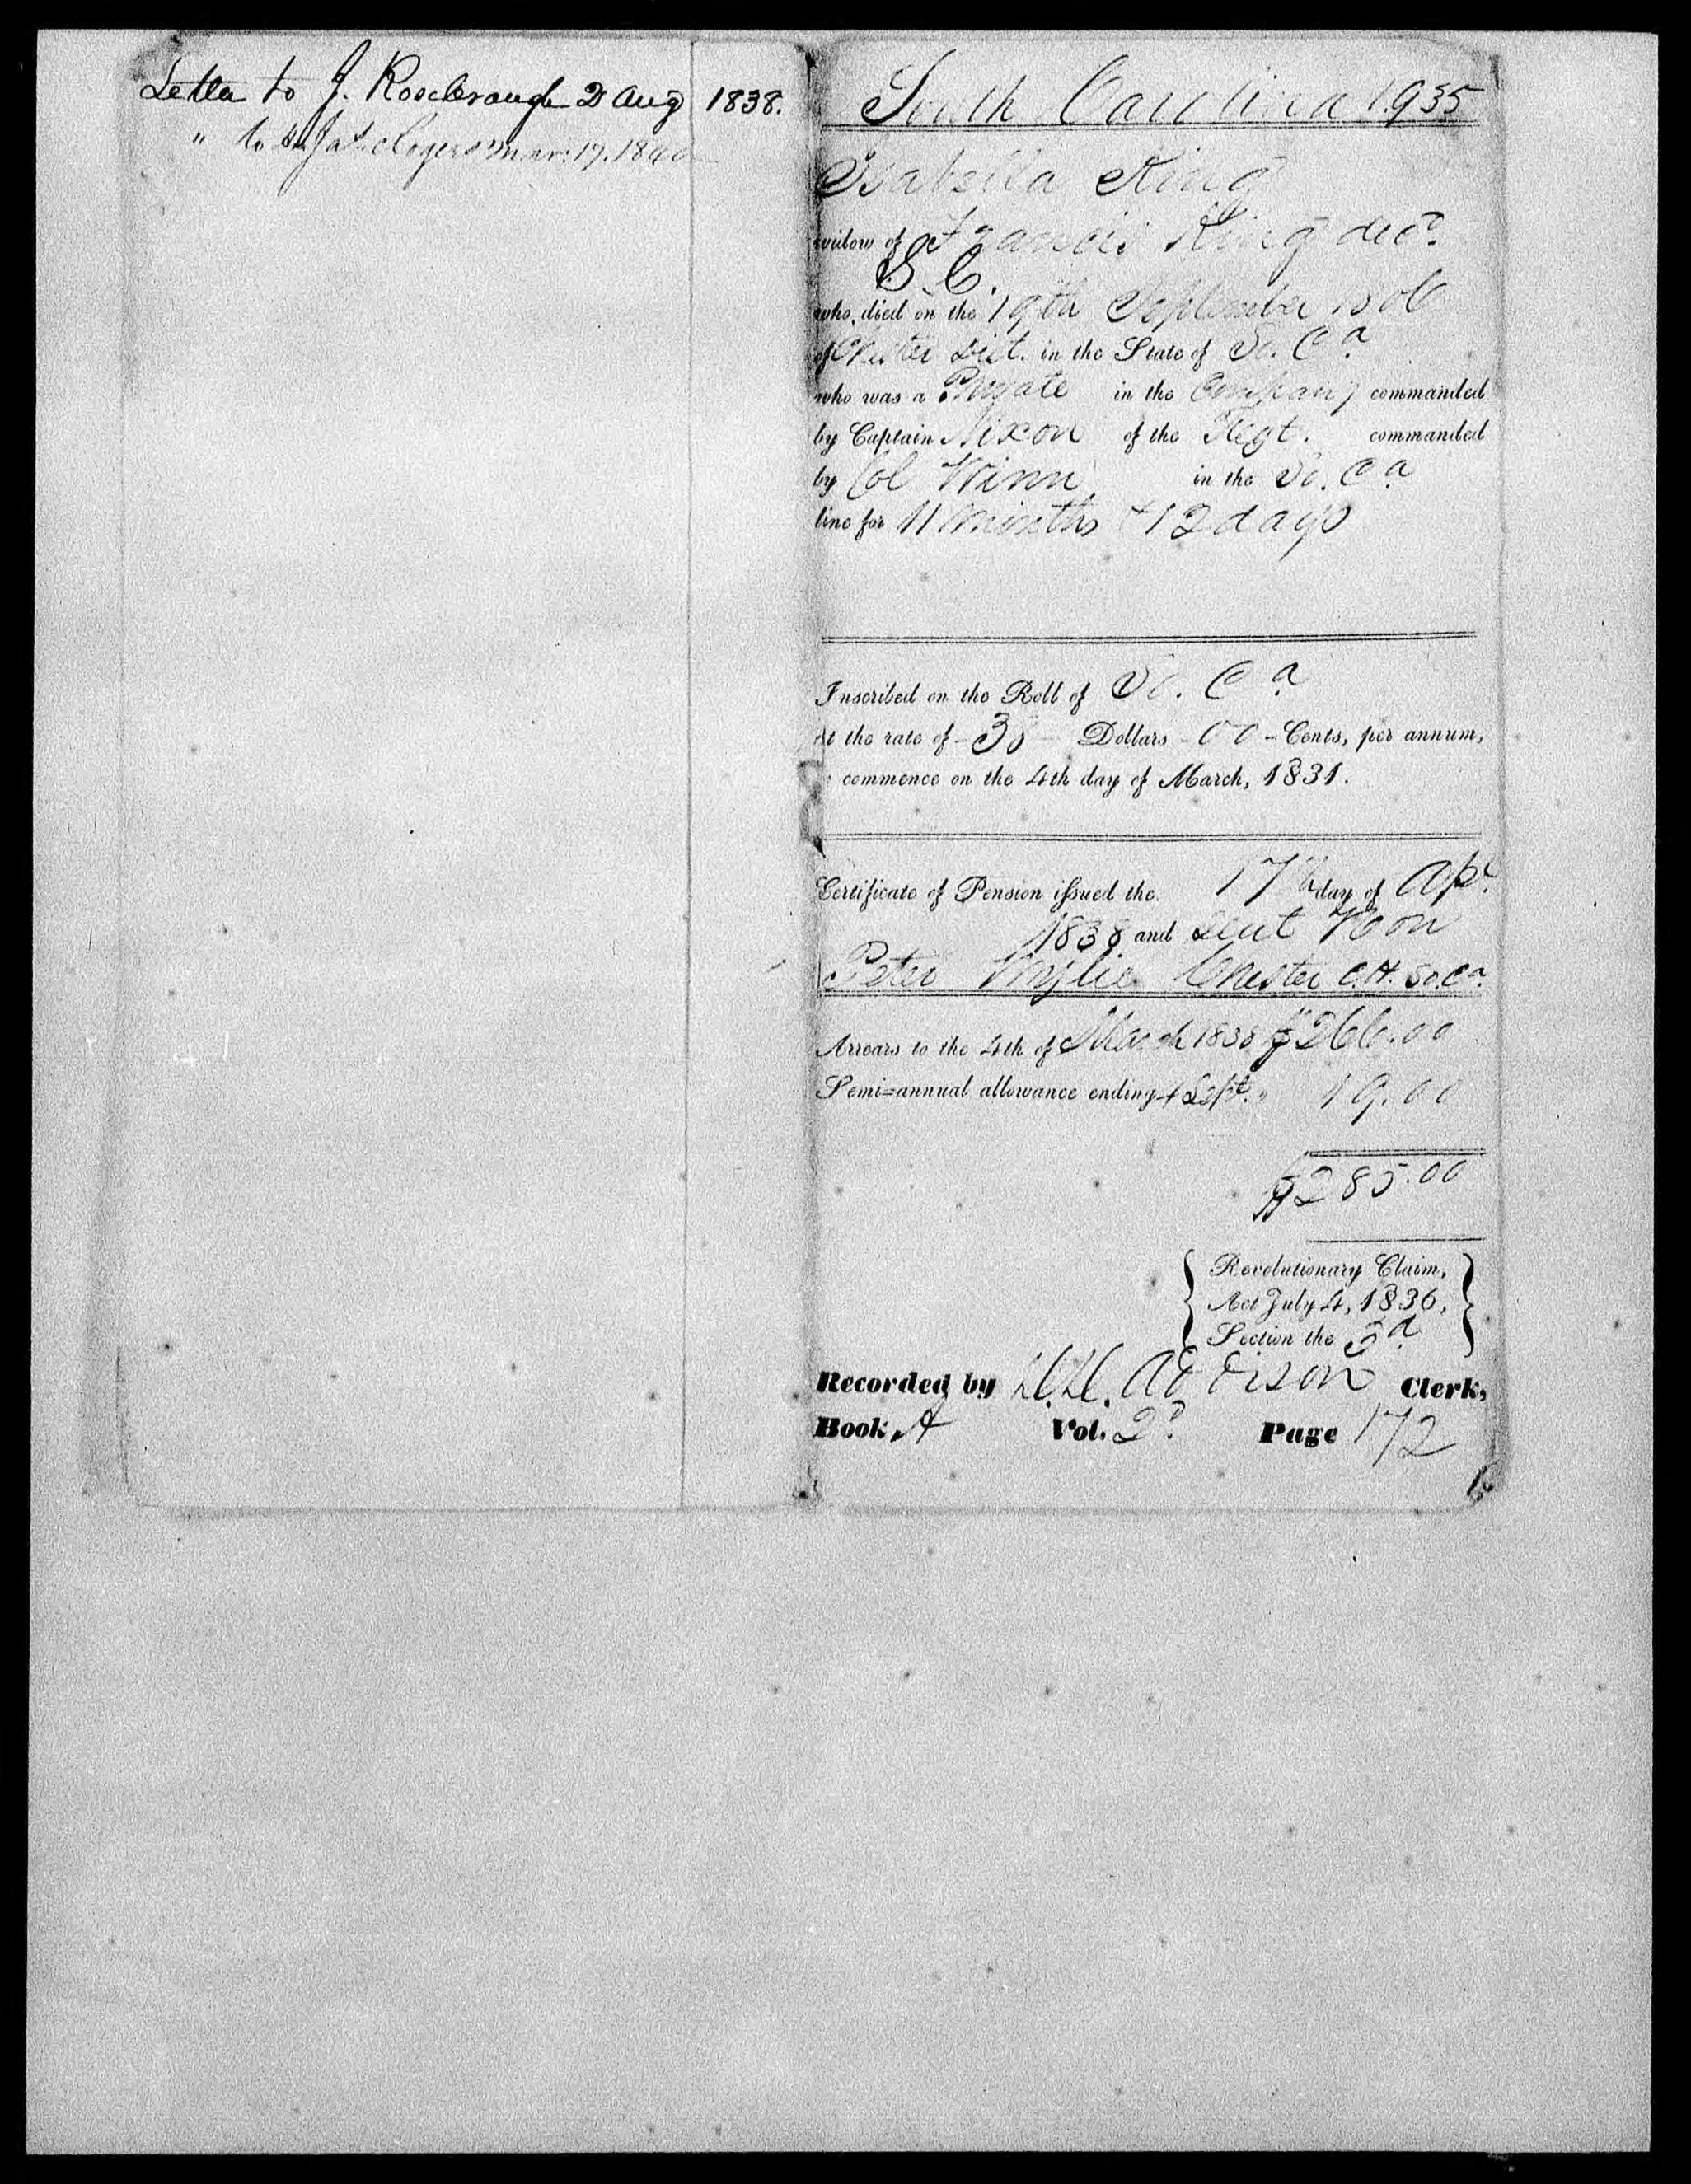[Two panels]
[Left panel]

Letter to J. Rosebraugh 2 August 1838.
" to Hon Jas. Rogers Mar. 17, 1840

[Right panel]

South Carolina 6935

Isabella Kiing
widow of Francis King decd.
S.C. 
who, died on the 19th September 1806
of Chester Dist. in the State of So. Ca.
who was a Private in the Company commanded 
by Captain Nixon of the Regt. commanded 
by Col Winn in the So. Ca.
line for 11 months & 12 days 

Inscribed on the Roll of So. Ca.
at the rate of 38 Dollars 00 Cents, per annum, 
to commence on the 4th day of March, 1831.

Certificate of Pension issued the 17th day of Apl. 
1838 and sent Hon
Peter Wylie Chester C.H. So. Ca.

Arrears to the 4th of March 1838 $266.00
Semi annual allowance ending 4 Sept. " 19.00
$285.00
======

{ Revolutionary Claim, }
{ Act July 4, 1836, }
{ Section the 3d. }

Recorded by D.D. Addison Clerk, 
Book A Vol 2d. Page 172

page: 2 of 10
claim: widow's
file: W. 21523, for Francis King, South Carolina